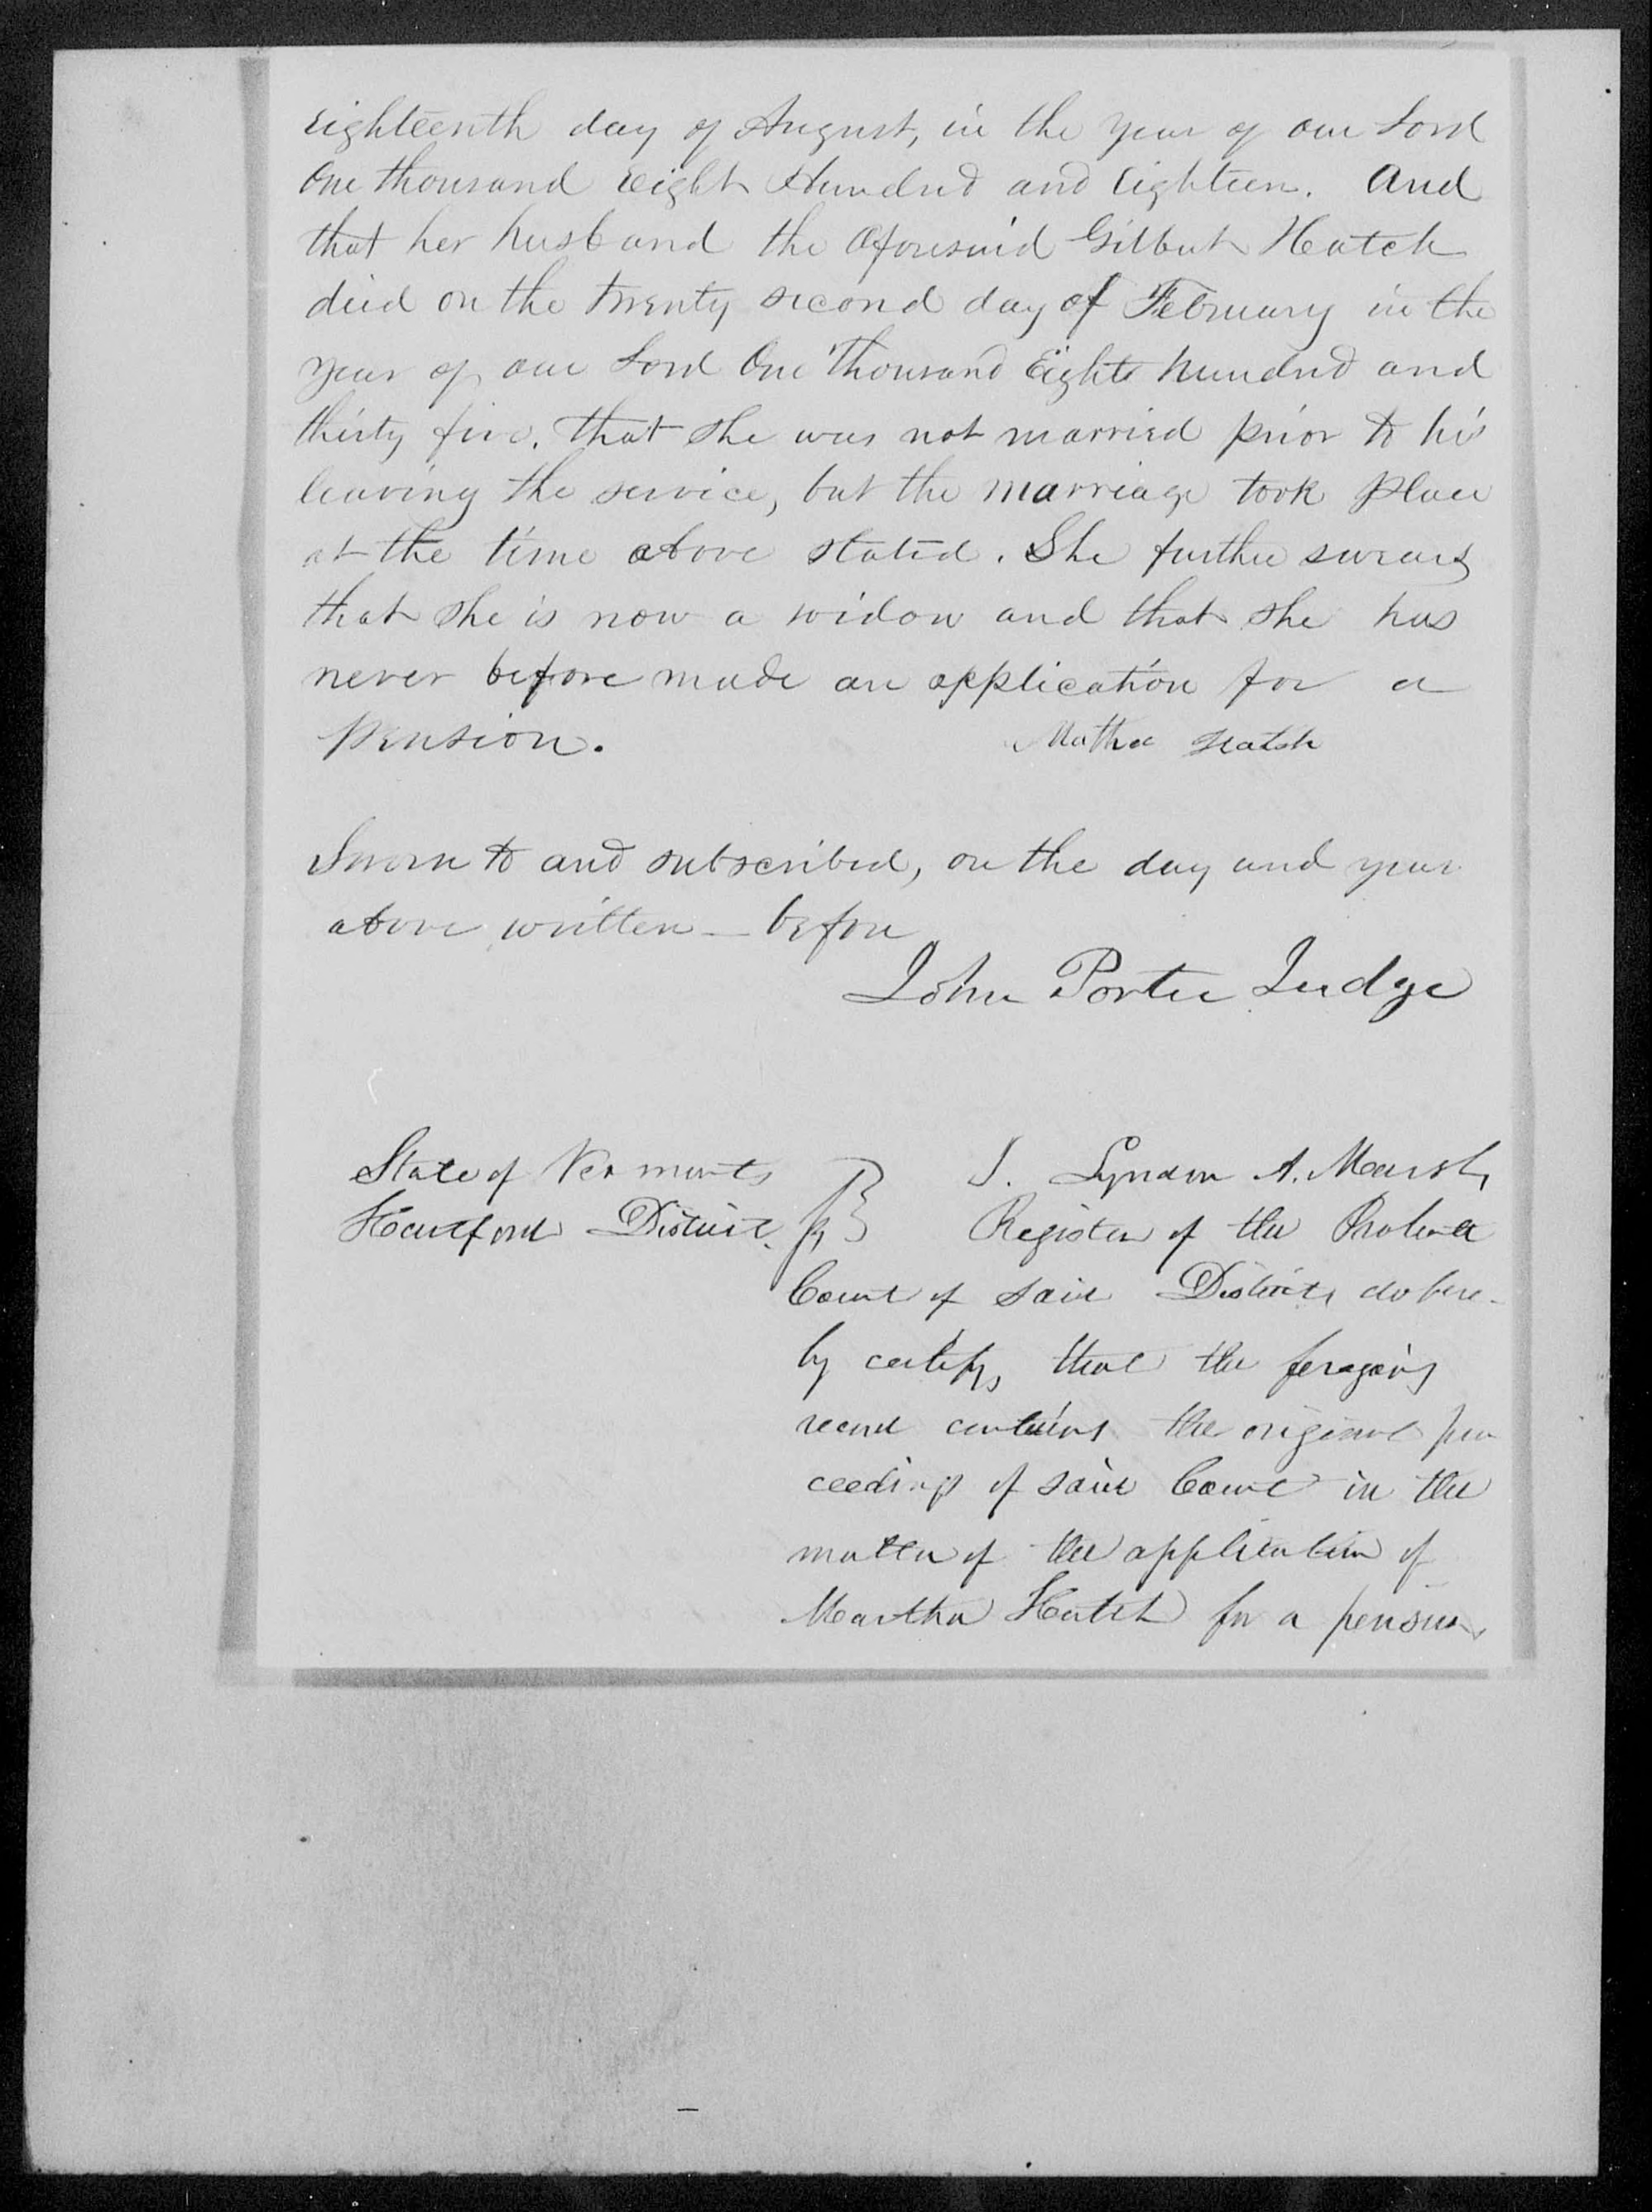eighteenth day of August, in the year of our Lord One thousand Eight Hundred and Eighteen. And that her husband the aforesaid Gilbert Hatch died on the twenty second day of February in the year of our Lord One Thousand Eight hundred and thirty five, that she was not married prior to his leaving the service, but the marriage took place at the time above stated. She further swears that she is now a widow and that she has never before made an application for a pension

Matha [Martha] Hatch

Sworn to and subscribed, on the day and year above written, before
John Porter Judge


State of Vermont }
Hartford District ss ⎬ I Lyman A. Marsh Registrar of the Probate Court of said District do hereby certify that the foregoing record contains the original proceedings of said Court in the matter of the application of Martha Hatch for a pension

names: Martha Hatch, Lyndon A Marsh, Matha Hatch, Gilbert Hatch, John Porter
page: 9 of 47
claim: widow's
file: W. 225, Gilbert Hatch, Conn.